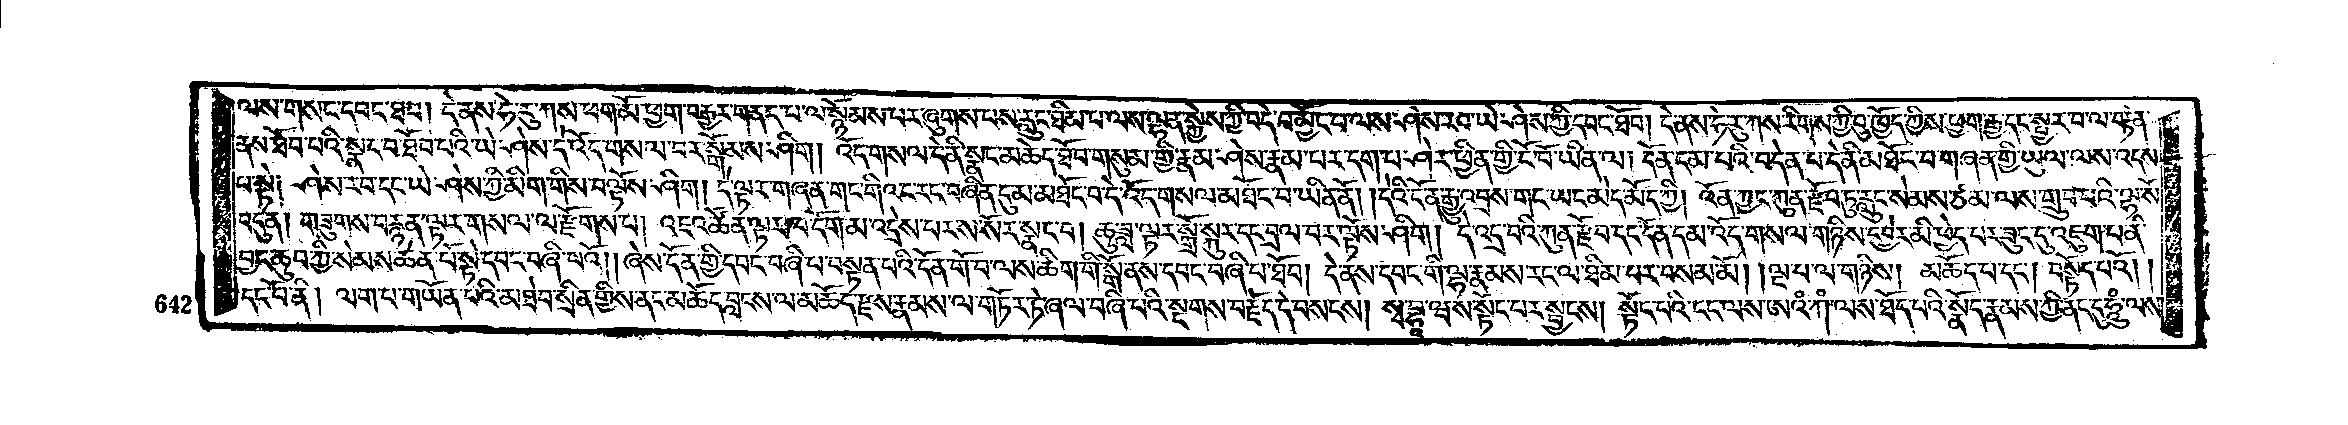ལས་གསང་དབང་ཐོབ། དེ་ནས་ཧེ་རུ་ཀས་ཕག་མོ་ཕྱག་བརྒྱར་གནང་པ་ལ་སྙོམས་པར་ཞུགས་པས་རླུང་ཐིམ་པ་ལས་ལྷན་སྐྱེས་ཀྱི་བདེ་བ་མྱོང་བ་ལས་ཤེས་རབ་ཡེ་ཤེས་ཀྱི་དབང་ཐོབ། དེ་ནས་ཧེ་རུ་ཀས་རིགས་ཀྱི་བུ་ཁྱོད་ཀྱིས་བུ་ཁྱོད་ཀྱིས་ཕྱག་རྒྱ་དང་སྦྱར་བ་ལ་བརྟེན་
ནས་ཐོབ་པའི་སྣང་བ་ཐོབ་པའི་ཡེ་ཤེས་དེ་འོད་གསལ་བར་སྒོམས་ཤིག །འོད་གསལ་དེ་ནི་སྣང་མཆེད་ཐོབ་གསུམ་གྱི་རྣམ་ཤེས་རྣམ་པར་དག་པ་ཤེར་ཕྱིན་གྱི་ངོ་བོ་ཡིན་ལ། དོན་དམ་པའི་བདེན་པ་བདེན་པ་དེ་ནི་མཐོང་བ་གཞན་གྱི་ཡུལ་ལས་འདས་
པ་སྟེ། ཤེས་རབ་དང་ཡེ་ཤེས་ཀྱི་མིག་གིས་བལྟོས་ཤིག །དེ་ལྟར་གཞན་གང་གིའང་རང་བཞིན་དུ་མ་མཐོང་བ་དེ་འོད་གསལ་མཐོང་བ་ཡིན་ནོ། །དེའི་ངོ་ན་རྒྱུ་འབྲས་གང་ཡང་མེད་མོད་ཀྱི། འོན་ཀྱང་ཀུན་རྫོབ་ཏུ་རླུང་སེམས་ཙམ་ལས་གྲུབ་པའི་ལྷ་སོ་
བདུན། གཟུགས་བརྙན་ལྟར་གསལ་ལ་རྫོགས་པ། འཇའ་ཚོན་ལྟར་ཁ་དོག་མ་འདྲེས་པར་སོ་སོར་སྣང་བ། ཆུ་ཟླ་ལྟར་སྒྲོ་སྐུར་དང་བྲལ་བར་ལྟོས་ཤིག །དེ་འདྲ་བའི་ཀུན་རྫོབ་དང་དོན་དམ་འོད་གསལ་གཉིས་དབྱེར་མི་ཕྱེད་པར་ཟུང་དུ་འཇུག་པ་ནི་
བྱང་ཆུབ་ཀྱི་སེམས་ཆེན་པོ་སྟེ་དབང་བཞི་པའོ། །ཞེས་དོན་གྱི་དབང་བཞི་པ་བསྟན་པའི་དོན་གོ་བ་ལས་ཚིག་གི་སྒོ་ནས་དབང་བཞི་པ་ཐོབ། དེ་ནས་དབང་གི་ལྷ་རྣམས་རང་ལ་ཐིམ་པར་བསམ་མོ། །ལྔ་པ་ལ་གཉིས། མཆོད་པ་དང་། བསྟོད་པའོ། །
དང་པོ་ནི། ལག་པ་གཡོན་པའི་མཐེབ་སྲིན་གྱིས་ནང་མཆོད་བླངས་ལ་མཆོད་རྫས་རྣམས་ལ་གཏོར་ཏེ་ཞལ་བཞི་པའི་སྔགས་བརྗོད་དེ་བསངས། སྭ་བྷཱ་ཝས་སྟོང་པར་སྦྱངས། སྟོང་པའི་ངང་ལས་ཨཱཾ་ཀཾ་ལས་ཐོད་པའི་སྣོད་རྣམས་ཀྱི་ནང་དུ་ཧཱུཾ་ལས་